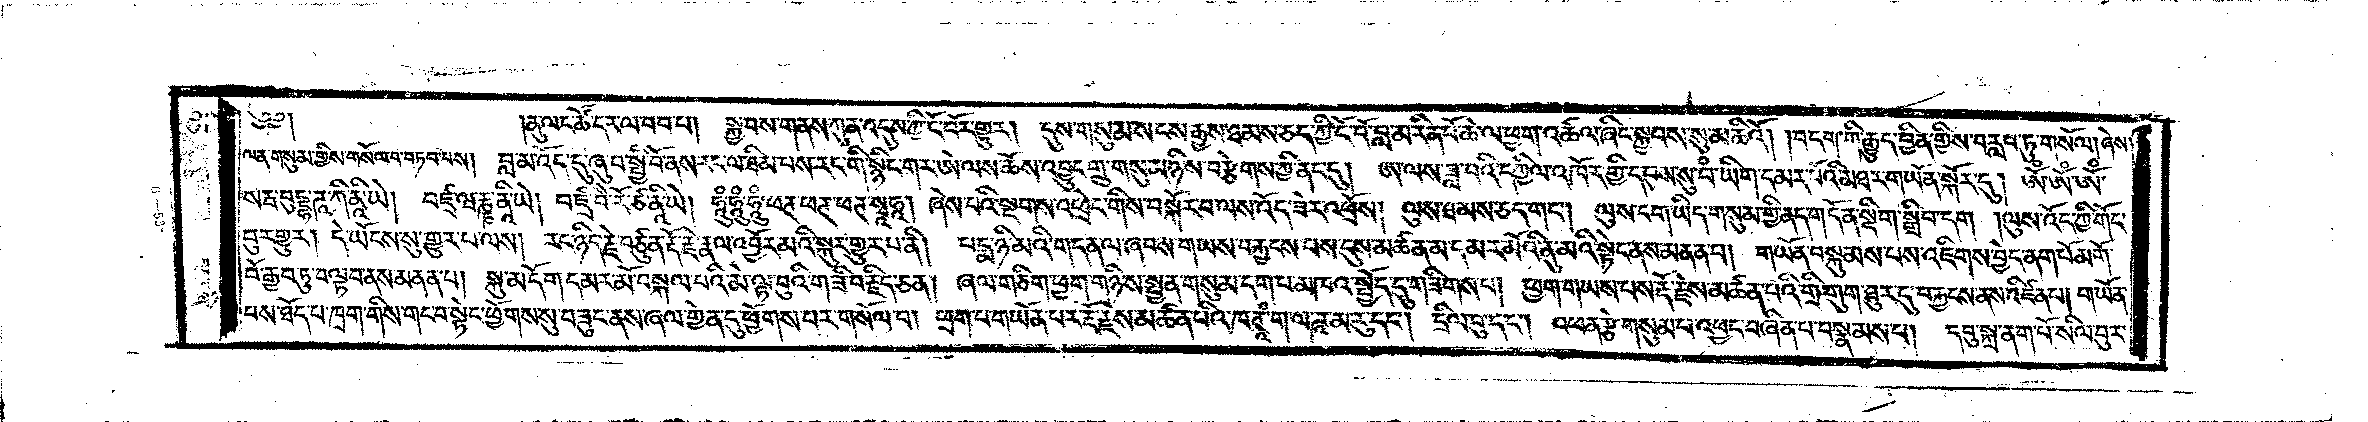༄༅། །ནུ་ལང་ཚོ་དར་ལ་བབ་པ། སྐྱབས་གནས་ཀུན་འདུས་ཀྱི་ངོ་བོར་གྱུར། དུས་གསུམ་སངས་རྒྱས་ཐམས་ཅད་ཀྱི་ངོ་བོ་བླ་མ་རིན་པོ་ཆེ་ལ་ཕྱག་འཚལ་ཞིང་སྐྱབས་སུ་མཆིའོ། །བདག་གི་རྒྱུད་བྱིན་གྱིས་བརླབ་ཏུ་གསོལ། ཞེས་
ལན་གསུམ་གྱིས་གསོལ་བ་བཏབ་པས། བླ་མ་འོད་དུ་ཞུ་བ་སྤྱི་བོ་ནས་རང་ལ་ཐིམ་པས་རང་གི་སྙིང་གར་ཨེ་ལས་ཆོས་འབྱུང་གྲུ་གསུམ་ཉིས་བརྩེགས་ཀྱི་ནང་དུ། ཨ་ལས་ཟླ་བའི་དཀྱིལ་འཁོར་གྱི་དབུས་སུ་བི་ཡིག་དམར་པོའི་མཐར་གཡོན་སྐོར་དུ། ཨོཾ་ཨོཾ་ཨོཾ་
སརྦ་བུདྡྷ་ཌཱ་ཀི་ནཱི་ཡེ། བཛྲ་ཝརྞྞ་ནཱི་ཡེ། བཛྲ་བཻ་རོ་ཙ་ནཱི་ཡེ། ཧཱུཾ་ཧཱུཾ་ཧཱུཾ་ཕཊ་ཕཊ་ཕཊ་སྭཱཧཱ། ཞེས་པའི་སྔགས་འཕྲེང་གིས་བསྐོར་བ་ལས་འོད་ཟེར་འཕྲོས། ལུས་ཐམས་ཅད་གང་། ལུས་ངག་ཡིད་གསུམ་གྱི་ནད་གདོན་སྡིག་སྒྲིབ་དག །ལུས་འོད་ཀྱི་གོང་
བུར་གྱུར། དེ་ཡོངས་སུ་གྱུར་པ་ལས། རང་ཉིད་རྗེ་བཙུན་རྡོ་རྗེ་རྣལ་འབྱོར་མའི་སྐུར་གྱུར་པ་ནི། པདམ་ཉི་མའི་གདན་ལ་ཞབས་གཡས་བརྐྱངས་པས་དུས་མཚན་མ་དམར་མོའི་ནུ་མའི་སྟེང་ནས་མནན་པ། གཡོན་བསྐུམས་པས་འཇིགས་བྱེད་ནག་པོ་མགོ་
བོ་རྒྱབ་ཏུ་བལྟབ་ནས་མནན་པ། སྐུ་མདོག་དམར་མོ་བསྐལ་བའི་མེ་ལྟ་བུའི་གཟི་བརྗིད་ཅན། ཞལ་གཅིག་ཕྱག་གཉིས་སྤྱན་གསུམ་དག་པ་མཁའ་སྤྱོད་དུ་གཟིགས་པ། ཕྱག་གཡས་པས་རྡོ་རྗེས་མཚན་པའི་གྲི་གུག་ཐུར་དུ་བརྐྱངས་ནས་འཛིན་པ། གཡོན་
བས་ཐོད་པ་ཁྲག་གིས་གང་བ་སྟེང་ཕྱོགས་སུ་བཟུང་ནས་ཞལ་གྱེན་དུ་ཕྱོགས་པར་གསོལ་བ། ཕྲག་པ་གཡོན་པར་རྡོ་རྗེས་མཚན་པའི་ཁ་ཌཱཾ་ག་ལ་ཌཱ་མ་རུ་དང་། དྲིལ་བུ་དང་། འཕན་རྩེ་བ་སུམ་པ་འཕྱང་བཞིན་པ་བསྣམས་པ། དབུ་སྐྲ་ནག་པོ་སིལ་བུར་